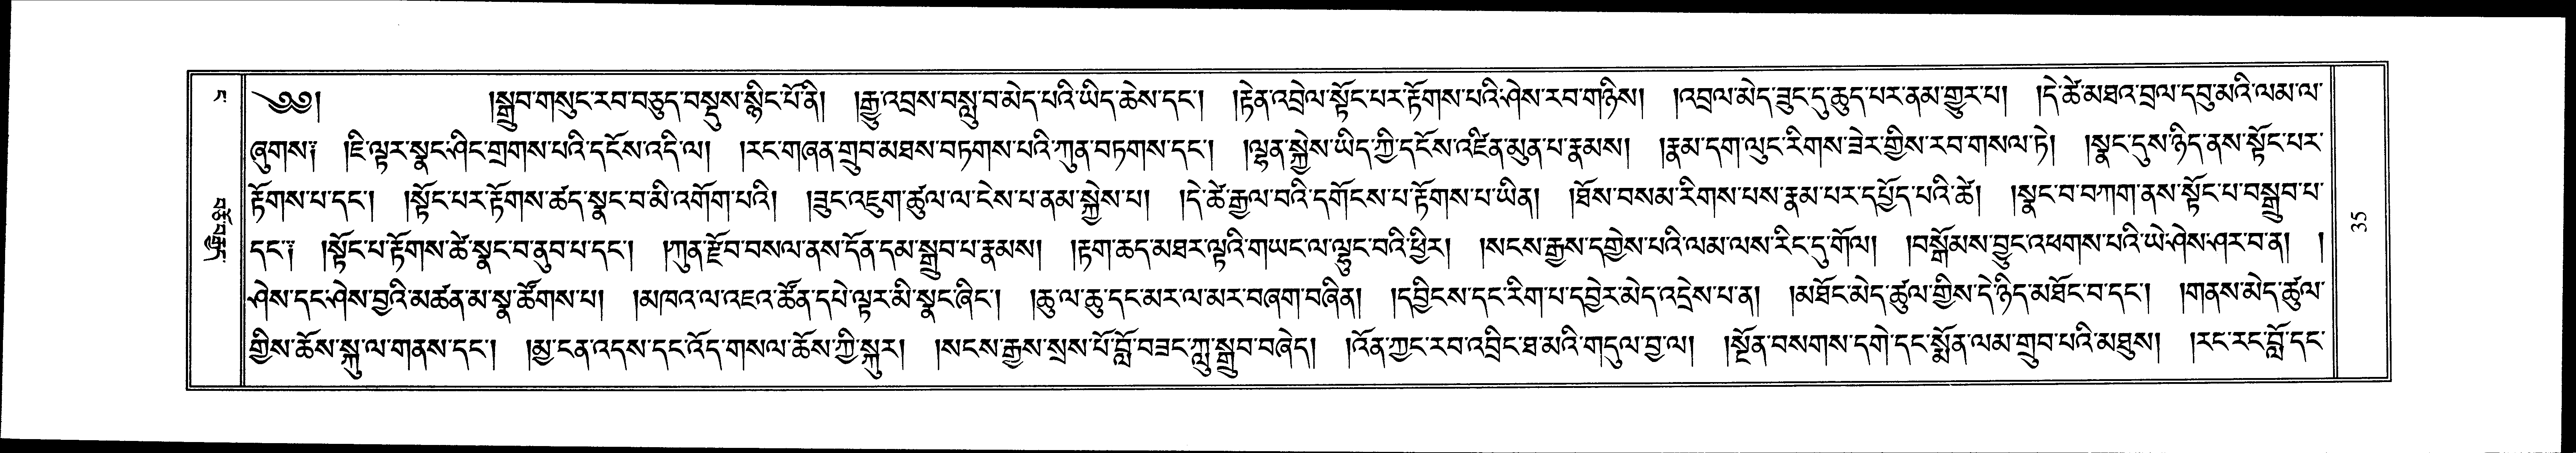༄༅། །སྒྲུབ་གསུང་རབ་བཅུད་བསྡུས་སྙིང་པོ་ནི། །རྒྱུ་འབྲས་བསླུ་བ་མེད་པའི་ཡིད་ཆེས་དང་། །རྟེན་འབྲེལ་སྟོང་པར་རྟོགས་པའི་ཤེས་རབ་གཉིས། །འབྲལ་མེད་ཟུང་དུ་ཆུད་པར་ནམ་གྱུར་པ། །དེ་ཚེ་མཐའ་བྲལ་དབུ་མའི་ལམ་ལ་
ཞུགས། །ཇི་ལྟར་སྣང་ཤིང་གྲགས་པའི་དངོས་འདི་ལ། །རང་གཞན་གྲུབ་མཐས་བཏགས་པའི་ཀུན་བཏགས་དང་། །ལྷན་སྐྱེས་ཡིད་ཀྱི་དངོས་འཛིན་མུན་པ་རྣམས། །རྣམ་དག་ལུང་རིགས་ཟེར་གྱིས་རབ་གསལ་ཏེ། །སྣང་དུས་ཉིད་ནས་སྟོང་པར་
རྟོགས་པ་དང་། །སྟོང་པར་རྟོགས་ཚད་སྣང་བ་མི་འགོག་པའི། །ཟུང་འཇུག་ཚུལ་ལ་ངེས་པ་ནམ་སྐྱེས་པ། །དེ་ཚེ་རྒྱལ་བའི་དགོངས་པ་རྟོགས་པ་ཡིན། །ཐོས་བསམ་རིགས་པས་རྣམ་པར་དཔྱོད་པའི་ཚེ། །སྣང་བ་བཀག་ནས་སྟོང་པ་བསྒྲུབ་པ་
དང་། །སྟོང་པ་རྟོགས་ཚེ་སྣང་བ་ནུབ་པ་དང་། །ཀུན་རྫོབ་བསལ་ནས་དོན་དམ་སྒྲུབ་པ་རྣམས། །རྟག་ཆད་མཐར་ལྟའི་གཡང་ལ་ལྷུང་བའི་ཕྱིར། །སངས་རྒྱས་དགྱེས་པའི་ལམ་ལས་རིང་དུ་གོལ། །བསྒོམས་བྱུང་འཕགས་པའི་ཡེ་ཤེས་ཤར་བ་ན། །
ཤེས་དང་ཤེས་བྱའི་མཚན་མ་སྣ་ཚོགས་པ། །མཁའ་ལ་འཇའ་ཚོན་དཔེ་ལྟར་མི་སྣང་ཞིང་། །ཆུ་ལ་ཆུ་དང་མར་ལ་མར་བཞག་བཞིན། །དབྱིངས་དང་རིག་པ་དབྱེར་མེད་འདྲེས་པ་ན། །མཐོང་མེད་ཚུལ་གྱིས་དེ་ཉིད་མཐོང་བ་དང་། །གནས་མེད་ཚུལ་
གྱིས་ཆོས་སྐུ་ལ་གནས་དང་། །མྱ་ངན་འདས་དང་འོད་གསལ་ཆོས་ཀྱི་སྐུར། །སངས་རྒྱས་སྲས་པོ་བློ་བཟང་ཀླུ་སྒྲུབ་བཞེད། །འོན་ཀྱང་རབ་འབྲིང་ཐ་མའི་གདུལ་བྱ་ལ། །སྔོན་བསགས་དགེ་དང་སྨོན་ལམ་གྲུབ་པའི་མཐུས། །རང་རང་བློ་དང་